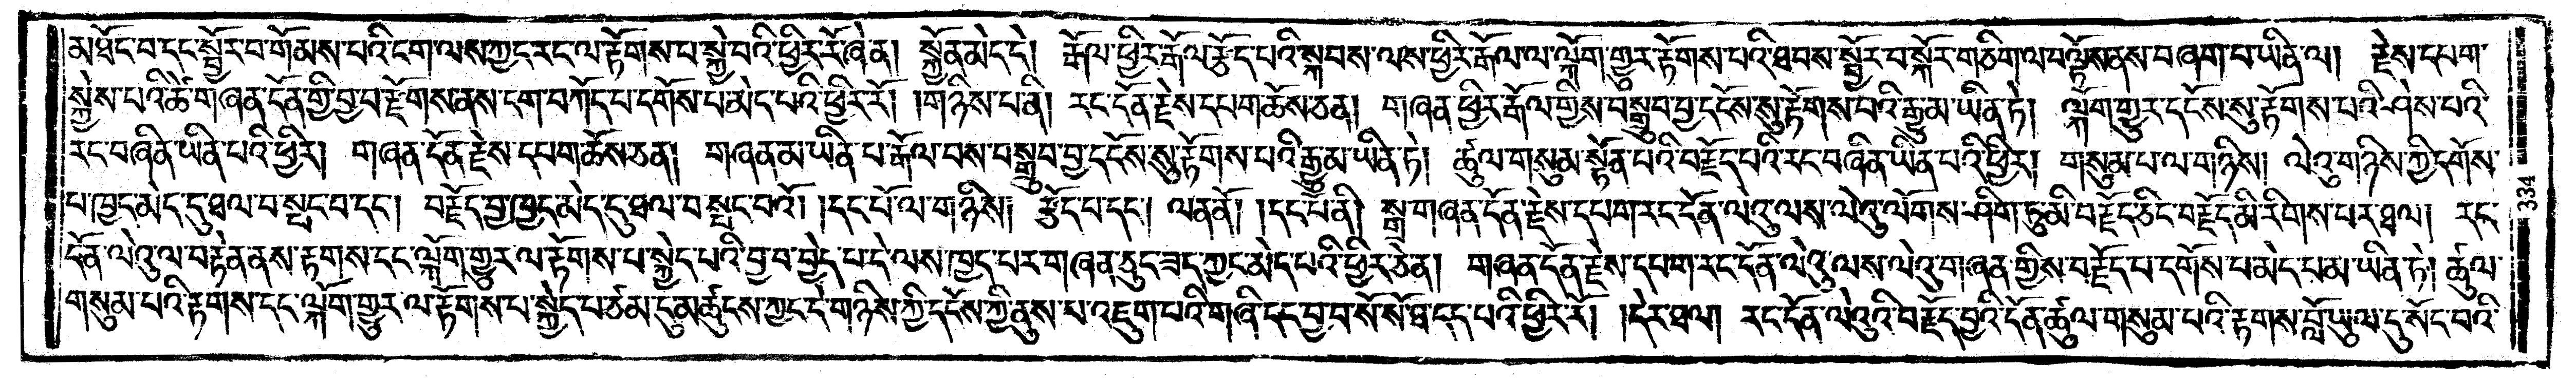མཐོང་བ་དང་སྦྱོར་བ་གོམས་པའི་ངག་ལས་ཀྱང་རང་ལ་རྟོགས་པ་སྐྱེ་བའི་ཕྱིར་རོ་ཞེ་ན། སྐྱོན་མེད་དེ། རྒོལ་ཕྱིར་རྒོལ་རྩོད་པའི་སྐབས་ལས་ཕྱིར་རྒོལ་ལ་ལྐོག་གྱུར་རྟོགས་པའི་ཐབས་སྦྱོར་བ་སྐོར་གཅིག་ལ་བལྟོས་ནས་བཞག་པ་ཡིན་ལ། རྗེས་དཔག་
སྐྱེས་པའི་ཚེ་གཞན་དོན་གྱི་བྱ་བ་རྫོགས་ནས་དག་བཀོད་པ་དགོས་པ་མེད་པའི་ཕྱིར་རོ། །གཉིས་པ་ནི། རང་དོན་རྗེས་དཔག་ཆོས་ཅན། གཞན་ཕྱིར་རྒོལ་གྱིས་བསྒྲུབ་བྱ་དངོས་སུ་རྟོགས་པའི་རྒྱུ་མ་ཡིན་ཏེ། ལྐོག་གྱུར་དངོས་སུ་རྟོགས་པའི་ཤེས་པའི་
རང་བཞིན་ཡིན་པའི་ཕྱིར། གཞན་དོན་རྗེས་དཔག་ཆོས་ཅན། གཞན་མ་ཡིན་པ་རྒོལ་བས་བསྒྲུབ་བྱ་དངོས་སུ་རྟོགས་པའི་རྒྱུ་མ་ཡིན་ཏེ། ཚུལ་གསུམ་སྟོན་པའི་བརྗོད་པའི་རང་བཞིན་ཡིན་པའི་ཕྱིར། གསུམ་པ་ལ་གཉིས། ལེའུ་གཉིས་ཀྱི་དགོས་
པ་ཁྱད་མེད་དུ་ཐལ་བ་སྤང་བ་དང་། བརྗོད་བྱ་ཁྱད་མེད་དུ་ཐལ་བ་སྤང་བའོ། །དང་པོ་ལ་གཉིས། རྩོད་པ་དང་། ལན་ནོ། །དང་པོ་ནི། སྒྲ་གཞན་དོན་རྗེས་དཔག་རང་དོན་ལེའུ་ལས་ལེའུ་ལོགས་ཤིག་ཏུ་མི་བརྗོད་ཅིང་བརྗོད་མི་རིགས་པར་ཐལ། རང་
དོན་ལེའུ་ལ་བརྟེན་ནས་རྟགས་དང་ལྐོག་གྱུར་ལ་རྟོགས་པ་སྐྱེད་པའི་བྱ་བ་བྱེད་པ་དེ་ལས་ཁྱད་པར་གཞན་ཅུང་ཟད་ཀྱང་མེད་པའི་ཕྱིར་ཅེ་ན། གཞན་དོན་རྗེས་དཔག་རང་དོན་ལེའུ་ལས་ལེའུ་གཞན་གྱིས་བརྗོད་པ་དགོས་པ་མེད་པ་མ་ཡིན་ཏེ། ཚུལ་
གསུམ་པའི་རྟགས་དང་ལྐོག་གྱུར་ལ་རྟོགས་པ་སྐྱེད་པ་ཙམ་དུ་མཚུངས་ཀྱང་དེ་གཉིས་ཀྱི་དངོས་ཀྱི་ནུས་པ་འཇུག་པའི་གཞི་དང་བྱ་བ་སོ་སོ་ཐ་དད་པའི་ཕྱིར་རོ། །དེར་ཐལ། རང་དོན་ལེའུའི་བརྗོད་བྱའི་དོན་ཚུལ་གསུམ་པའི་རྟགས་བློ་ཡུལ་དུ་སོང་བའི་